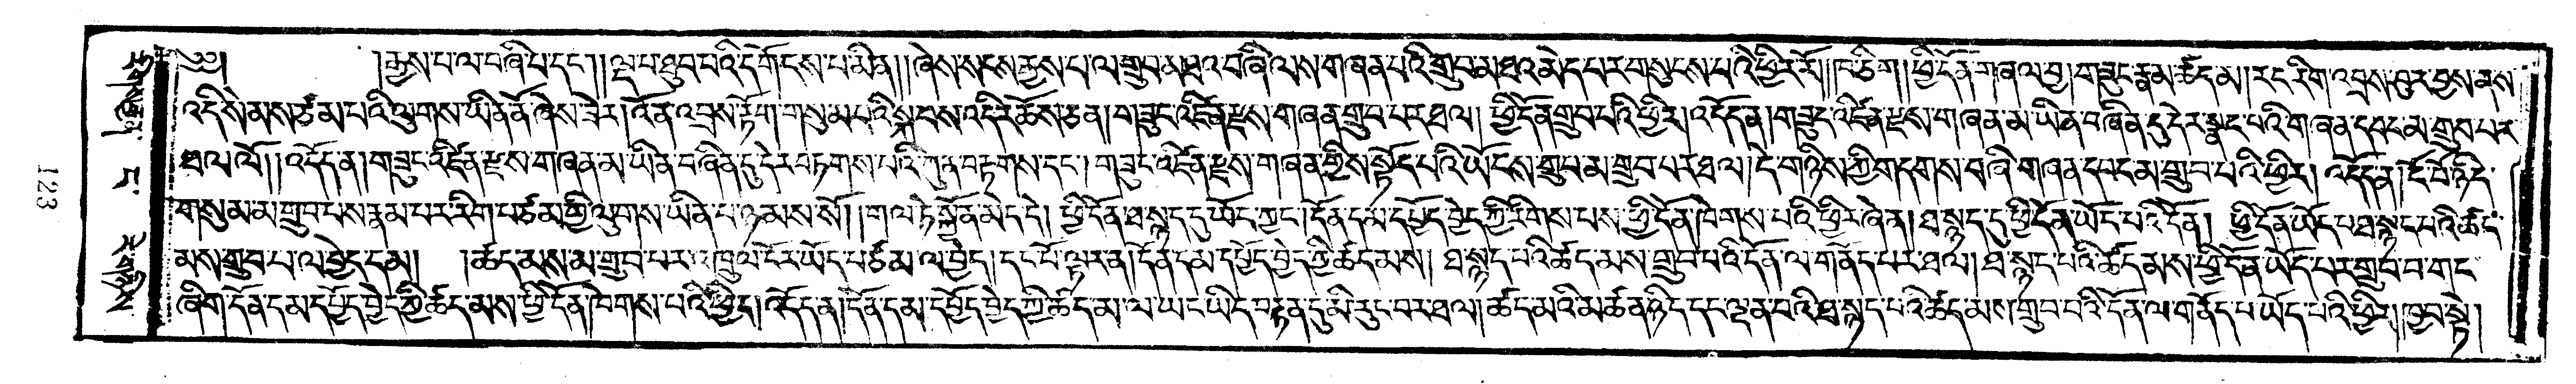༄༅། །རྒྱས་པ་ལ་བཞི་བ་དང་། །ལྔ་པ་ཐུབ་པའི་དགོངས་པ་མིན། །ཞེས་སངས་རྒྱས་པ་ལ་གྲུབ་མཐའ་བཞི་ལས་གཞན་པའི་གྲུབ་མཐའ་མེད་པར་གསུངས་པའི་ཕྱིར་རོ། །ཁ་ཅིག །ཕྱི་དོན་གཞལ་བྱ། གཟུང་རྣམ་ཚད་མ། རང་རིག་འབྲས་བུར་བྱས་ནས་
འདི་སེམས་ཙམ་པའི་ལུགས་ཡིན་ནོ་ཞེས་ཟེར། འོ་ན་འབྲས་རྟོག་གསུམ་པའི་སྐབས་འདིར་ཆོས་ཅན། གཟུང་འཛིན་རྫས་གཞན་གྲུབ་པར་ཐལ། ཕྱི་དོན་གྲུབ་པའི་ཕྱིར། འདོད་ན། གཟུང་འཛིན་རྫས་གཞན་མ་ཡིན་བཞིན་དུ་དེར་སྣང་བའི་གཞན་དབང་མ་གྲུབ་པར་
ཐལ་ལོ། །འདོད་ན། གཟུང་འཛིན་རྫས་གཞན་མ་ཡིན་བཞིན་དུ་དེར་བཏགས་པའི་ཀུན་བརྟགས་དང་། གཟུང་འཛིན་རྫས་གཞན་གྱིས་སྟོང་པའི་ཡོངས་གྲུབ་མ་གྲུབ་པར་ཐལ། དེ་གཉིས་ཀྱི་གདགས་བཞི་གཞན་དབང་མ་གྲུབ་པའི་ཕྱིར། འདོད་ན། ངོ་བོ་ཉིད་
གསུམ་མ་གྲུབ་པས་རྣམ་པར་རིག་པ་ཙམ་གྱི་ལུགས་ཡིན་པ་ཉམས་སོ། །གལ་ཏེ་སྐྱོན་མེད་དེ། ཕྱི་དོན་ཐ་སྙད་དུ་ཡོད་ཀྱང་། དོན་དམ་དཔྱོད་བྱེད་ཀྱི་རིགས་པས་ཕྱི་དོན་ཁེགས་པའི་ཕྱིར་ཞེ་ན། ཐ་སྙད་དུ་ཕྱི་དོན་ཡོད་པའི་དོན། ཕྱི་དོན་ཡོད་པ་ཐ་སྙད་པའི་ཚད་
མས་གྲུབ་པ་ལ་བྱེད་དམ། །ཚད་མས་མ་གྲུབ་པར་འཁྲུལ་ངོར་ཡོད་པ་ཙམ་ལ་བྱེད། དང་པོ་ལྟར་ན། དོན་དམ་དཔྱོད་བྱེད་ཀྱི་ཚད་མས། ཐ་སྙད་པའི་ཚད་མས་གྲུབ་པའི་དོན་ལ་གནོད་པར་ཐལ། ཐ་སྙད་པའི་ཚད་མས་ཕྱི་དོན་ཡོད་པར་གྲུབ་པ་གང་
ཞིག་དོན་དམ་དཔྱོད་བྱེད་ཀྱི་ཚད་མས་ཕྱི་དོན་ཁེགས་པའི་ཕྱིར། འདོད་ན། དོན་དམ་དཔྱོད་བྱེད་ཀྱི་ཚད་མ་ལ་ཡང་ཡིད་བརྟན་དུ་མི་རུང་བར་ཐལ། ཚད་མའི་མཚན་ཉིད་དང་ལྡན་པའི་ཐ་སྙད་པའི་ཚད་མས་གྲུབ་པའི་དོན་ལ་གནོད་པ་ཡོད་པའི་ཕྱིར། ཁྱབ་སྟེ།